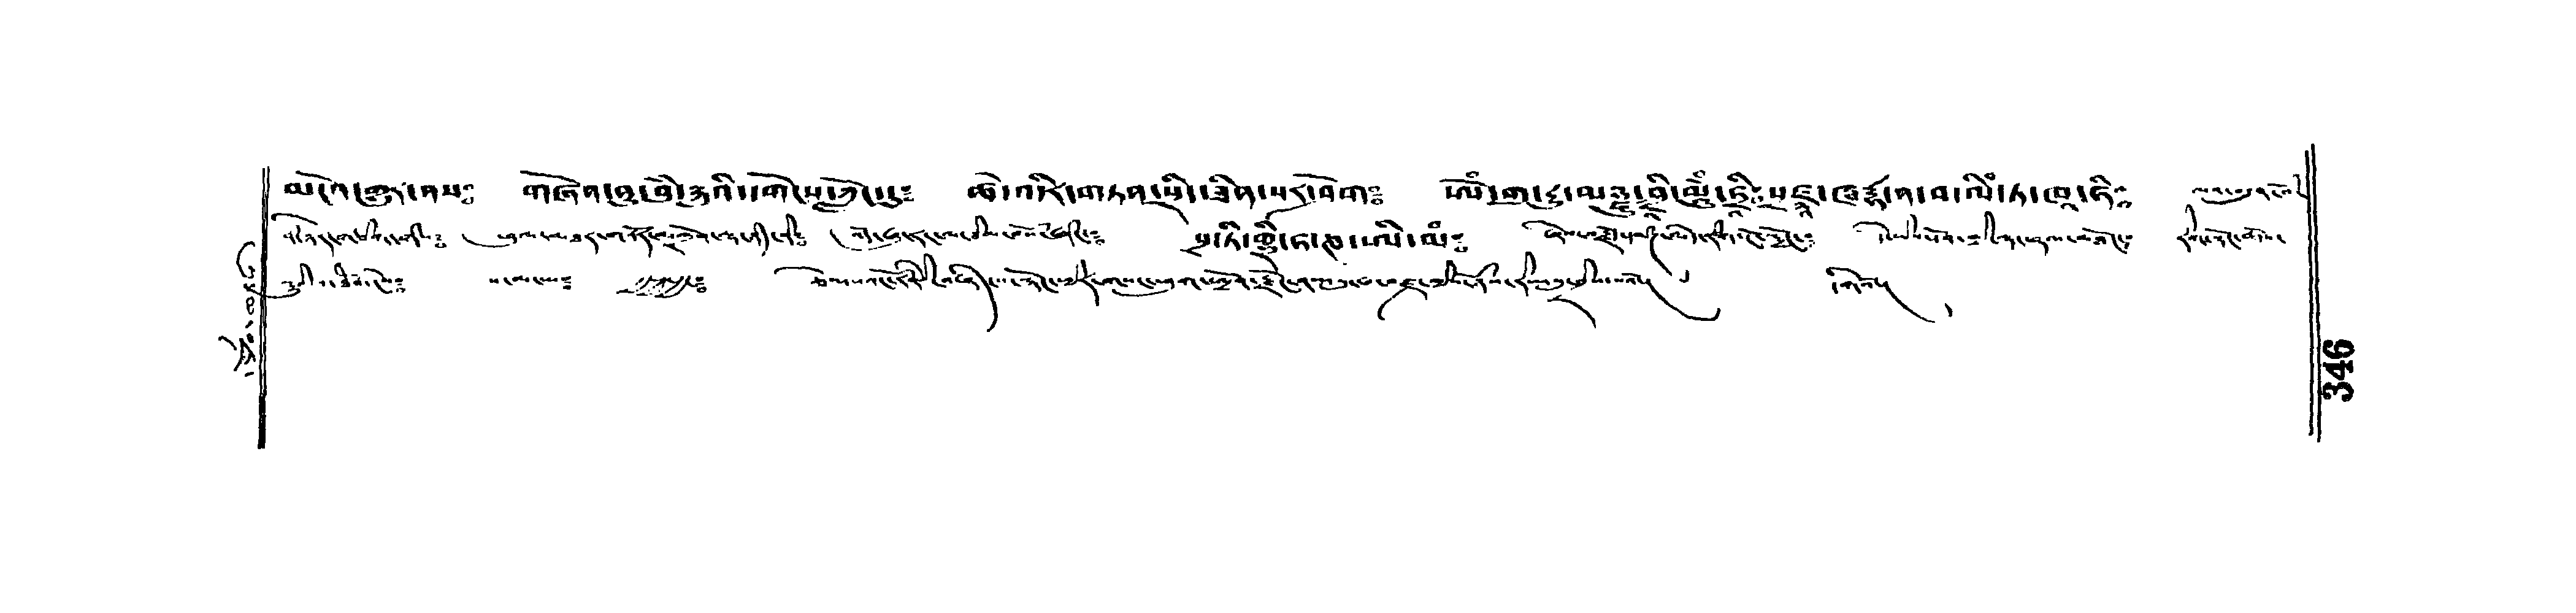མངོན་གྱུར་ནས༔ གཞོན་ནུ་བུམ་སྐུའི་དགོངས་ཀློང་དུ༔ ཚེ་འདིར་གཏན་སྲིད་ཟིན་པར་ཤོག༔ ཨོཾ་གུ་རུ་མཉྫུ་ཤྲཱི་མཱུྃ་ཧྲཱིཿཔྲཛྙཱ་ཝརྡྷ་ན་བ་ལིཾ་ཏ་ཁཱ་ཧིཿ ལན་བདུན་ནམ་
ནི་ཉེར་གཅིག་གིས༔ ཕུལ་མཐར་གཏོར་མགྲོན་ལྷ་ཉིད་ནི༔ འོད་ཞུ་རང་ལ་ཐིམ་བསམ་ཞིང༔ པྲ་ཏི་གྷྲི་ཧ་ཎ་ཨི་མཾ༔ ཞེས་བརྗོད་དམིགས་མེད་རིག་ངོ་སྐྱོང༔ དེ་ཡིས་དོན་གྱི་ལྷ་ཞལ་མཐོང༔ རིག་སྟོང་ཆོས་
སྐུའི་ས་ཐོབ་ངེས༔ ས་མ་ཡ༔ རྒྱ་རྒྱ་རྒྱ༔ ཅེས་པའང་རིན་པོ་ཆེའི་བཞེད་པ་སྐོང་ཕྱིར་གསང་ཕུག་ཨོ་རྒྱན་རྫོང་ནས་སུ་ཁ་བཛྲ་གྱིས་ཉམས་རིས་སུ་བྲིས་པའོ།། མངྒ་ལམ།།